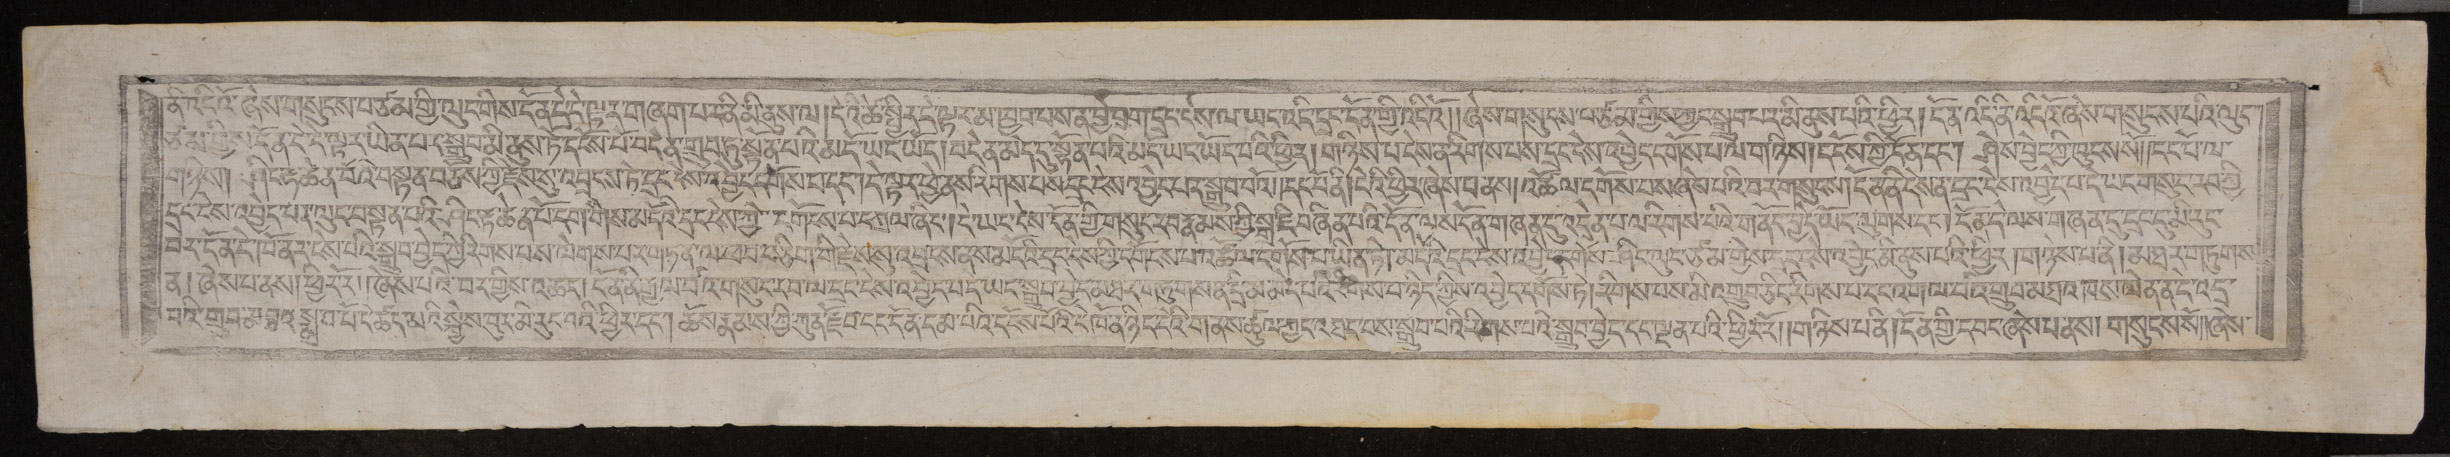ནི་འདིའོ་ཞེས་གསུངས་པ་ཙམ་གྱི་ལུང་གིས་དོན་དེ་དེ་ལྟར་གཞག་པར་ནི་མི་ནུས་ལ། དེའི་ཚེ་སྤྱིར་དེ་ལྟར་མ་ཁྱབ་བས་ན་བྱེ་བྲག་དྲང་ངེས་ལ་ཡང་འདི་དྲང་དོན་གྱི་འདིའོ། །ཞེས་གསུངས་པ་ཙམ་གྱིས་ཀྱང་སྒྲུབ་པར་མི་ནུས་པའི་ཕྱིར། དོན་འདི་ནི་འདིའོ་ཞེས་གསུངས་པའི་ལུང་
ཙམ་གྱིས་དོན་དེ་དེ་ལྟར་ཡིན་པར་སྒྲུབ་མི་ནུས་ཏེ་དངོས་པོ་བདེན་གྲུབ་ཏུ་སྟོན་པའི་མདོ་ཡང་ཡོད། བདེན་མེད་དུ་སྟོན་པའི་མདོ་ཡང་ཡོད་པའི་ཕྱིར། གཉིས་པ་དེས་ན་རིགས་པས་དྲང་ངེས་འབྱེད་དགོས་པ་ལ་གཉིས། དངོས་ཀྱི་དོན་དང་། ཤེས་བྱེད་ཀྱི་ཁུངས་སོ། །དང་པོ་ལ་
གཉིས། ཤིང་རྟ་ཆེན་པོའི་བསྟན་བཅོས་ཀྱི་རྗེས་སུ་འབྲངས་ཏེ་དྲང་ངེས་འབྱེད་དགོས་པ་དང་། དེ་ལྟར་ཕྱེ་ནས་རིགས་པས་དྲང་ངེས་འབྱེད་པར་སྒྲུབ་པའོ། །དང་པོ་ནི། དེའི་ཕྱིར་ཞེས་པ་ནས། འཚོལ་ལ་དགོས་པས་ཞེས་པའི་བར་གསུངས། དོན་ནི་དེས་ན་དྲང་ངེས་འབྱེད་པ་དེ་ཡང་གསུང་རབ་ཀྱི་
དྲང་ངེས་འབྱེད་པར་ལུང་བསྟན་པའི་ཤིང་རྟ་ཆེན་པོ་དག་གིས་མདོའི་དྲང་ངེས་ཀྱི་དགོངས་པ་དཀྲལ་ཞིང་། དེ་ཡང་ངེས་དོན་གྱི་གསུང་རབ་རྣམས་ཀྱི་སྒྲ་ཇི་བཞིན་པའི་དོན་ལས་དོན་གཞན་དུ་འདྲེན་པ་ལ་རིགས་པའི་གནོད་བྱེད་ཡོད་ལུགས་དང་། དོན་དེ་ལས་གཞན་དུ་དྲང་དུ་མི་རུང་
བར་དོན་དེ་ཁོ་ནར་ངེས་པའི་སྒྲུབ་བྱེད་ཀྱི་རིགས་པས་ལེགས་པར་གཏན་ལ་ཕབ་པ་ཅིག་གི་རྗེས་སུ་འབྲངས་ནས་མདོའི་དྲང་ངེས་ཀྱི་དགོངས་པ་འཚོལ་དགོས་པ་ཡིན་ཏེ། མདོའི་དྲང་ངེས་འབྱེད་དགོས་ཤིང་ལུང་ཙམ་གྱིས་དྲང་ངེས་འབྱེད་མི་ནུས་པའི་ཕྱིར། གཉིས་པ་ནི། མཐར་གཏུགས་
ན། ཞེས་པ་ནས། ཕྱིར་རོ། །ཞེས་པའི་བར་གྱིས་འཆད། དོན་ནི་རྒྱལ་བའི་གསུང་རབ་ལ་དྲང་ངེས་འབྱེད་པ་དེ་ཡང་སྒྲུབ་བྱེད་མཐར་གཏུགས་ན་དྲི་མ་མེད་པའི་རིགས་པ་ཉིད་ཀྱིས་འབྱེད་དགོས་ཏེ། རིགས་པས་མི་འགྲིབ་ཅིང་རིགས་པ་དང་འགལ་བའི་གྲུབ་མཐའ་ཁས་ལེན་ན་དེ་འདྲ་
པའི་གྲུབ་མཐའ་སྨྲ་བ་བོད་ཚད་མའི་སྐྱེས་བུར་མི་རུང་བའི་ཕྱིར་དང་། ཆོས་རྣམས་ཀྱི་ཀུན་རྫོབ་དང་དོན་དམ་པའི་དངོས་པོའི་དེ་ཁོ་ན་ཉིད་དེའི་གནས་ཚུལ་ཀྱང་འཐད་པས་སྒྲུབ་པའི་རིགས་པའི་སྒྲུབ་བྱེད་དང་ལྡན་པའི་ཕྱིར་རོ། །གཉིས་པ་ནི། དོན་གྱི་དབང་ཞེས་པ་ནས། གསུངས་སོ། ཞེས་